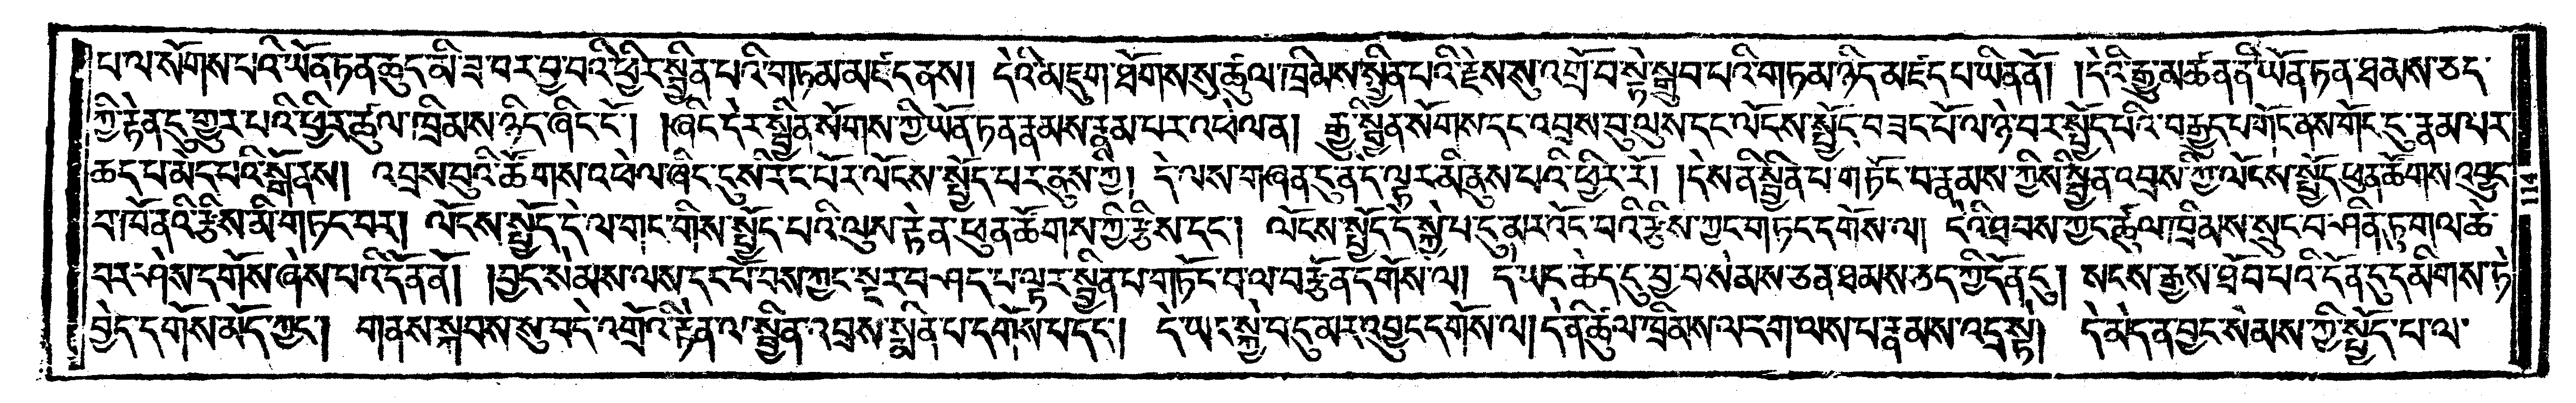པ་ལ་སོགས་པའི་ཡོན་ཏན་ཆུད་མི་ཟ་བར་བྱ་བའི་ཕྱིར་སྦྱིན་པའི་གཏམ་མཛད་ནས། དེའི་མཇུག་ཐོགས་སུ་ཚུལ་ཁྲིམས་སྦྱིན་པའི་རྗེས་སུ་འགྲོ་བ་སྟེ་སྒྲུབ་པའི་གཏམ་ཉིད་མཛད་པ་ཡིན་ནོ། །དེའི་རྒྱུ་མཚན་ནི་ཡོན་ཏན་ཐམས་ཅད་
ཀྱི་རྟེན་དུ་གྱུར་པའི་ཕྱིར་ཚུལ་ཁྲིམས་ཉིད་ཞིང་ངོ། །ཞིང་དེར་སྦྱིན་སོགས་ཀྱི་ཡོན་ཏན་རྣམས་རྣམ་པར་འཕེལ་ན། རྒྱུ་སྦྱིན་སོགས་དང་འབྲས་བུ་ལུས་དང་ལོངས་སྤྱོད་བཟང་པོ་ལ་ཉེ་བར་སྤྱོད་པའི་བརྒྱུད་པ་གོང་ནས་གོང་དུ་རྣམ་པར་
ཆད་པ་མེད་པའི་སྒོ་ནས། འབྲས་བུའི་ཚོགས་འཕེལ་ཞིང་དུས་རིང་པོར་ལོངས་སྤྱོད་པར་ནུས་ཀྱི། དེ་ལས་གཞན་དུ་ན་དེ་ལྟར་མི་ནུས་པའི་ཕྱིར་རོ། །དེས་ནི་སྦྱིན་པ་གཏོང་བ་རྣམས་ཀྱིས་སྦྱིན་འབྲས་ཀྱི་ལོངས་སྤྱོད་ཕུན་ཚོགས་འབྱུང་
བ་ཁོ་ནའི་རྩིས་མི་གཏང་བར། ལོངས་སྤྱོད་དེ་ལ་གང་གིས་སྤྱོད་པའི་ལུས་རྟེན་ཕུན་ཚོགས་ཀྱི་རྩིས་དང་། ལོངས་སྤྱོད་དེ་སྐྱེ་བ་དུ་མར་འོང་བའི་རྩིས་ཀྱང་གཏང་དགོས་ལ། དེའི་ཐབས་ཀྱང་ཚུལ་ཁྲིམས་སྲུང་བ་ཤིན་ཏུ་གལ་ཆེ་
བར་ཤས་དགོས་ཞེས་པའི་དོན་ནོ། །བྱང་སེམས་ལས་དང་པོ་པས་ཀྱང་སྔར་བཤད་པ་ལྟར་སྦྱིན་པ་གཏོང་བ་ལ་བརྩོན་དགོས་ལ། དེ་ཡང་ཆེད་དུ་བྱ་བ་སེམས་ཅན་ཐམས་ཅད་ཀྱི་དོན་དུ། སངས་རྒྱས་ཐོབ་པའི་དོན་དུ་དམིགས་ཏེ་
བྱེད་དགོས་མོད་ཀྱང་། གནས་སྐབས་སུ་བདེ་འགྲོའི་རྟེན་ལ་སྦྱིན་འབྲས་སྨིན་པ་དགོས་པ་དང་། དེ་ཡང་སྐྱེ་བ་དུ་མར་འབྱུང་དགོས་ལ། དེ་ནི་ཚུལ་ཁྲིམས་ལ་རག་ལས་པ་རྣམས་འདྲ་སྟེ། དེ་མེད་ན་བྱང་སེམས་ཀྱི་སྤྱོད་པ་ལ་